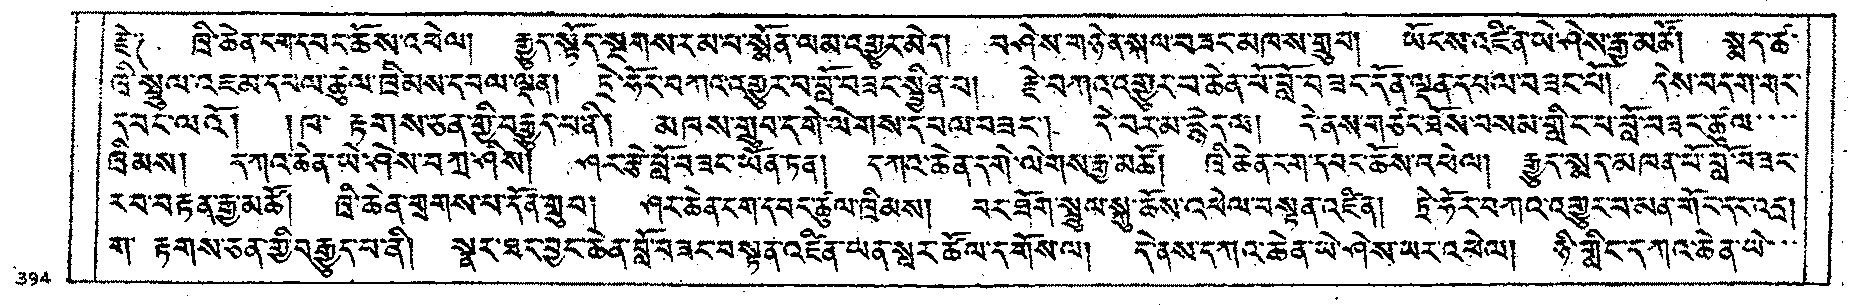རྗེ༑ ཁྲི་ཆེན་ངག་དབང་ཆོས་འཕེལ། རྒྱུད་སྟོད་སྔགས་རམ་པ་སྨོན་ལམ་འགྱུར་མེད། བཤེས་གཉེན་སྐལ་བཟང་མཁས་གྲུབ། ཡོངས་འཛིན་ཡེ་ཤེས་རྒྱ་མཚོ། སྨད་ཚ་
ཁྲི་སྤྲུལ་འཇམ་དཔལ་ཚུལ་ཁྲིམས་དཔལ་ལྡན། ཏྲེ་ཧོར་བཀའ་འགྱུར་བ་བློ་བཟང་སྦྱིན་པ། རྗེ་བཀའ་འགྱུར་བ་ཆེན་པོ་བློ་བཟང་དོན་ལྡན་དཔལ་བཟང་པོ། དེས་བདག་གར་
དབང་ལའོ། །ཁ་རྟགས་ཅན་གྱི་བརྒྱུད་པ་ནི། མཁས་གྲུབ་དགེ་ལེགས་དཔལ་བཟང་། དེ་བར་མ་རྙེད་ལ། དེ་ནས་གཙང་ཐོས་བསམ་གླིང་པ་བློ་བཟང་ཚུལ་
ཁྲིམས། དཀའ་ཆེན་ཡེ་ཤེས་བཀྲ་ཤིས། ཤར་རྩེ་བློ་བཟང་ཡོན་ཏན། དཀའ་ཆེན་དགེ་ལེགས་རྒྱ་མཚོ། ཁྲི་ཆེན་ངག་དབང་ཆོས་འཕེལ། རྒྱུད་སྨད་མཁན་པོ་བློ་བཟང་
རབ་བརྟན་རྒྱ་མཚོ། ཁྲི་ཆེན་གྲགས་པ་དོན་གྲུབ། ཤར་ཆེན་ངག་དབང་ཚུལ་ཁྲིམས། བར་ཐོག་སྤྲུལ་སྐུ་ཆོས་འཕེལ་བསྟན་འཛིན། ཏྲེ་ཧོར་བཀའ་འགྱུར་བ་མན་གོང་དང་འདྲ།
ག་རྟགས་ཅན་གྱི་བརྒྱུད་པ་ནི། སྣར་ཐང་བྱང་ཆེན་བློ་བཟང་བསྟན་འཛིན་ཡན་སླར་ཚོལ་དགོས་ལ། དེ་ནས་དཀའ་ཆེན་ཡེ་ཤེས་ཡར་འཕེལ། ཉི་གླིང་དཀའ་ཆེན་ཡེ་